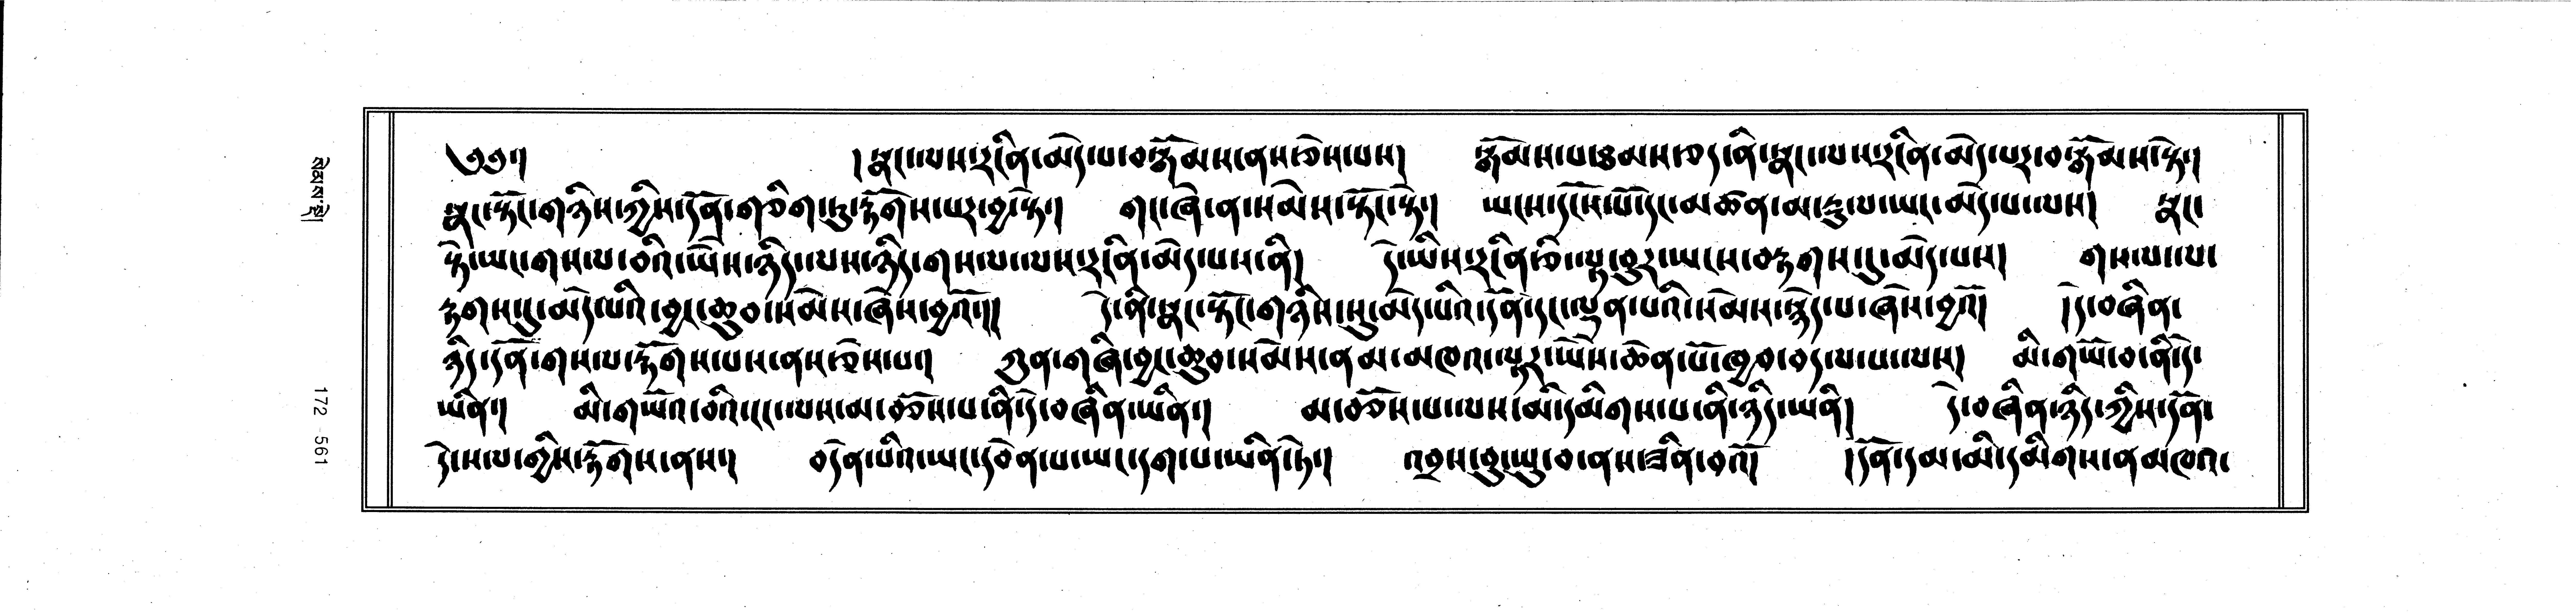སྣང་ལས་རང་བཞིན་མེད་པ་བསྒོམས་ནས་ཅེས་པས། སྒོམས་པ་ཐམས་ཅད་ནི་སྣང་ལས་རང་བཞིན་མེད་པར་བསྒོམས་སྟེ། 
སྣང་སྟོང་གཉིས་ཀྱིས་དོན་གཅིག་ཏུ་རྟོགས་པར་བྱ་སྟེ། གང་ཞེ་ན་སེམས་སྟོང་སྟེ། ཡང་དངོས་པོ་དང་མཚན་མ་རྡུལ་ཡང་མེད་པ་ལས། སྣང་
སྟེ་ཡང་གསལ་བའི་ཡེ་ཤེས་ཉིད་ལས་ཉིད་གསལ་ལས་རང་བཞིན་མེད་པས་ནི། དེ་ཡིས་རང་བཞིན་ཅི་ལྟ་བུར་ཡང་བརྟགས་དུ་མེད་པས། གསལ་ལ་
རྟགས་དུ་མེད་པའི་བྱང་ཆུབ་སེམས་ཞེས་བྱའོ། དེ་ནི་སྣང་སྟོང་གཉིས་སུ་མེད་པའི་དོན་དང་ལྡན་པའི་སེམས་རྙེད་པ་ཞེས་བྱའོ། དེ་བཞིན་
ཉིད་དོན་གསལ་རྟོགས་པས་ནས་ཅེས་པ། ཀུན་གཞི་བྱང་ཆུབ་སེམས་ནམ་མཁའ་ལྟར་ཡེ་ཤེས་ཆེན་པོ་ཁྱབ་བདལ་པ་ལས། མི་གཡོ་བ་ནི་དེ་
ཡིན། མི་གཡོའ་བའི་ངང་ལས་མ་བཅོས་པ་ནི་དེ་བཞིན་ཡིན། མ་བཅོས་པ་ལས་མི་དམིགས་པ་ནི་དེ་ཉིད་ཡིན། དེ་བཞིན་ཉིད་ཀྱིས་དོན་
དེ་སལ་གྱིས་རྟོགས་ནས། བདེན་པའི་ཡང་དབེན་པ་ཡང་དག་པ་ཡིན་ཏེ། འབྲས་བུ་ཡུ་བ་ནས་ཟིན་བའོ། དོན་དམ་མི་དམིགས་ནམ་མཁའ་